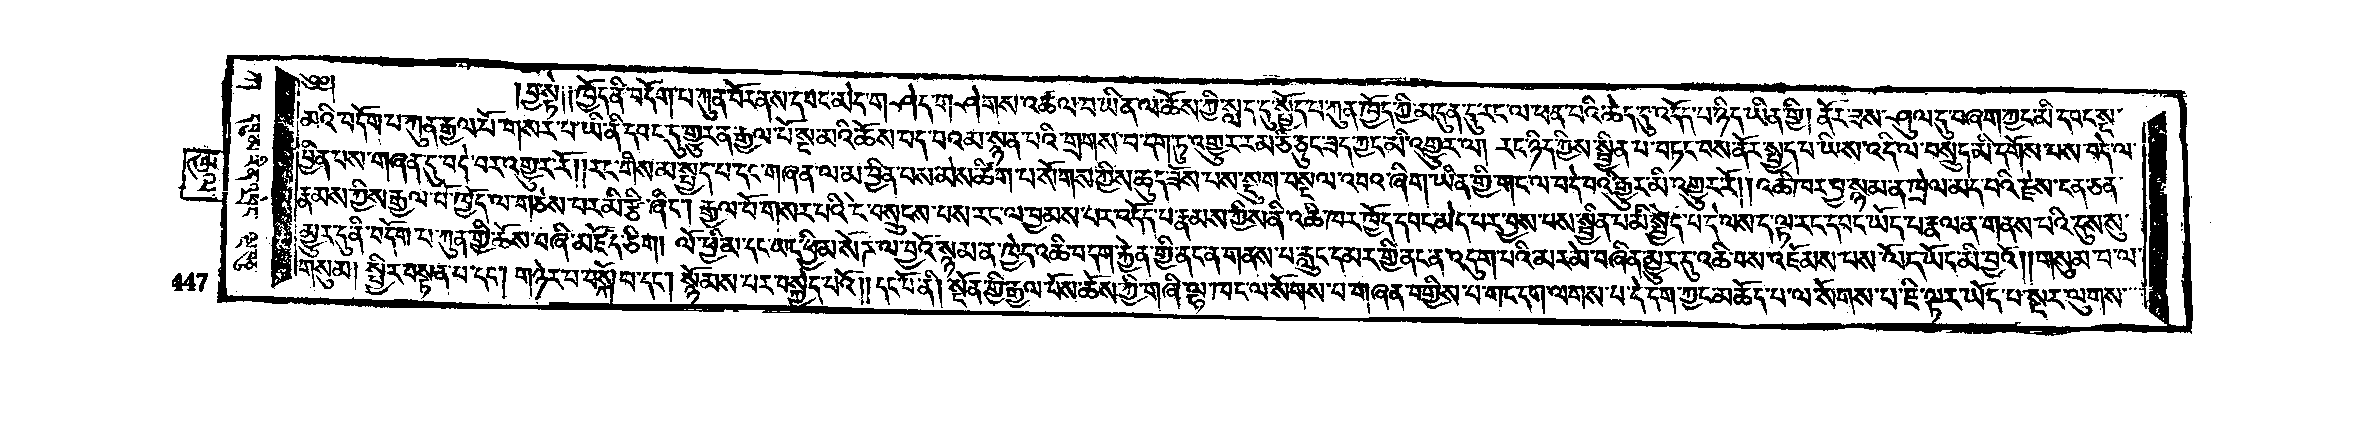༄༅། །བྱ་སྟེ། །ཁྱོད་ནི་བདོག་པ་ཀུན་བོར་ནས་དབང་མེད་བཤེད་གཤེགས་འཚལ་བ་ཡིན་ལ་ཆོས་ཀྱི་སླད་དུ་སྤྱོད་པ་ཀུན་ཁྱོད་ཀྱི་མདུན་དུ་རང་ལ་ཕན་པའི་ཆེད་དུ་འདོད་པ་ཉིད་ཡིན་གྱི། ནོར་ཟས་ཤུལ་དུ་བཞག་ཀྱང་མི་དབང་སྔ་
མའི་བདོག་པ་ཀུན་རྒྱལ་པོ་གསར་བ་ཡི་ནི་དབང་དུ་གྱུར་ན་རྒྱལ་པོ་སྔ་མའི་ཆོས་པད་པའམ་སྙན་པའི་གྲགས་པ་དག་ཏུ་འགྱུར་རམ་ཅི་ཅུང་ཟད་ཀྱང་མི་འགྱུར་ལ། རང་ཉིད་ཀྱིས་སྦྱིན་པ་བཏང་བས་ནོར་སྤྱད་པ་ཡིས་འདི་ལ་བསྲུད་མི་དགོས་པས་བདེ་ལ་
བྱིན་པས་གཞན་དུ་བདེ་བར་འགྱུར་རོ། །རང་གིས་མ་སྤྱད་པ་དང་གཞན་ལ་མ་བྱིན་པས་མེས་ཚིག་པ་སོགས་ཀྱིས་ཆུད་ཟོས་པས་སྡུག་བསྔལ་འབའ་ཞིག་ཡིན་གྱི་གང་ལ་བདེ་བའི་རྒྱུར་མི་འགྱུར་རོ། །འཆི་ཁར་བྱ་སྙམ་ན་ཁྲེལ་མེད་པའི་རྗེས་ངན་ཅན་
རྣམས་ཀྱིས་རྒྱལ་པོ་ཁྱོད་ལ་གཅེས་པར་མི་རྩི་ཞིང་། རྒྱལ་པོ་གསར་བའི་དེ?་བསྲུངས་པས་རང་ལ་བྱམས་པར་འདོད་པ་རྣམས་ཀྱིས་ནི་འཆི་ཁར་ཁྱོད་དབང་མེད་པར་བྱས་པས་སྦྱིན་པ་མི་སྤྱོད་པ་དེ་ལས་ད་ལྟ་རང་དབང་ཡོད་པ་རྣལ་ན་གནས་པའི་དུས་སུ་
མྱུར་དུ་ནི་བདོག་པ་ཀུན་གྱི་ཆོས་བཞི་མཛོད་ཅིག །ལོ་ཕྱི་མ་དང་ཡང་ཕྱི་མ་སོགས་ལ་བྱའོ་སྙམ་ན་ཁྱེད་འཆི་བདག་རྐྱེན་གྱི་ནང་ན་གནས་པ་རླུང་དམར་གྱི་ནང་ན་འདུག་པའི་མར་མེ་བཞིན་མྱུར་དུ་འཆི་བས་འཇོམས་པས་ལོད་ཡོད་མི་བྱའོ། །གསུམ་པ་ལ་
གསུམ། སྤྱིར་བསྟན་པ་དང་། གཉེར་བ་བསྐོ་བ་དང་། སྙོམས་པར་བསྐྱེད་པའོ། །དང་པོ་ནི། སྔོན་གྱི་རྒྱལ་པོས་ཆོས་ཀྱི་གཞི་ལྷ་ཁང་ལ་སོགས་པ་གཞན་བགྱིས་པ་གང་དག་ལགས་པ་དེ་དག་ཀྱང་མཆོད་པ་ལ་སོགས་པ་ཇི་ལྟར་ཡོད་པ་སྔར་ལུགས་